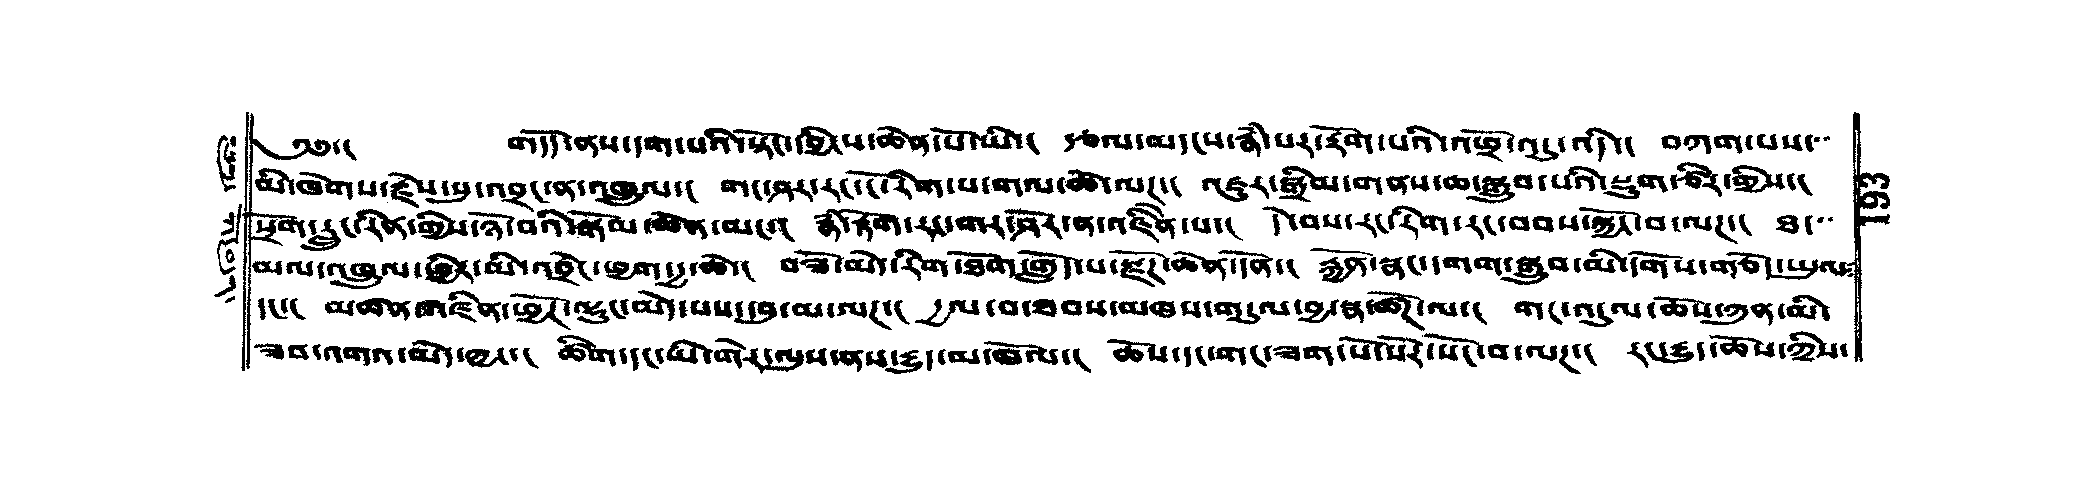།གདོད་ནས་དག་པའི་སྟོང་དབྱིངས་ཆེན་པོ་ཡི། །རྩལ་མདངས་རྣམ་པར་རྟོག་པའི་འཕྲོ་འདུ་འདི། །བཀག་པས་
མི་ཁེགས་རྗེས་སུ་འབྲང་ན་འཁྲུལ། །གང་ཤར་རང་ངོ་རིག་པ་གལ་ཆེ་ལགས། །འཇུུར་སྒྲིམ་གནས་ཆ་སྒྲུབ་པའི་སྡུག་ཙིར་གྱིས། །
སྲོག་རླུང་རིན་གྱིས་ཉོ་བའི་སྒོམ་ཆེན་མང་། །རྣམ་རྟོག་རང་གར་ཤོར་ན་འཇིག་རྟེན་པ། །དེ་བས་རང་རིག་རང་བབས་སྐྱོང་བ་ལགས། །ཐ་
མལ་འཁྲུལ་ཕྱིར་མི་འབྲེང་ཕྱག་རྒྱ་ཆེ། །བཟོ་མེད་རིག་ཐོག་གློད་པ་རྫོགས་ཆེན་དོན། །རྐྱེན་སྣང་དགག་སྒྲུབ་མི་དགོས་གཅོད་ཡུལ་
དང་། །མཚན་འཛིན་ཕྱོགས་ལྟུང་མེད་པས་དབུ་མ་ལགས། །རྒྱལ་བ་ཐབས་མཁས་གདུལ་བྱ་སྣ་ཚོགས་ལ། །གང་འདུལ་ཆོས་ཀུན་མི་
ཟབ་འགའ་མེད་ཀྱང་། །ཚིག་དང་ཡི་གེར་ལུས་ནས་རྒྱུད་མ་འཁེལ། །ཆོས་དང་གང་ཟག་སོ་སོར་སོང་བ་ལགས། །རང་རྒྱུད་ཆོས་ཀྱིས་